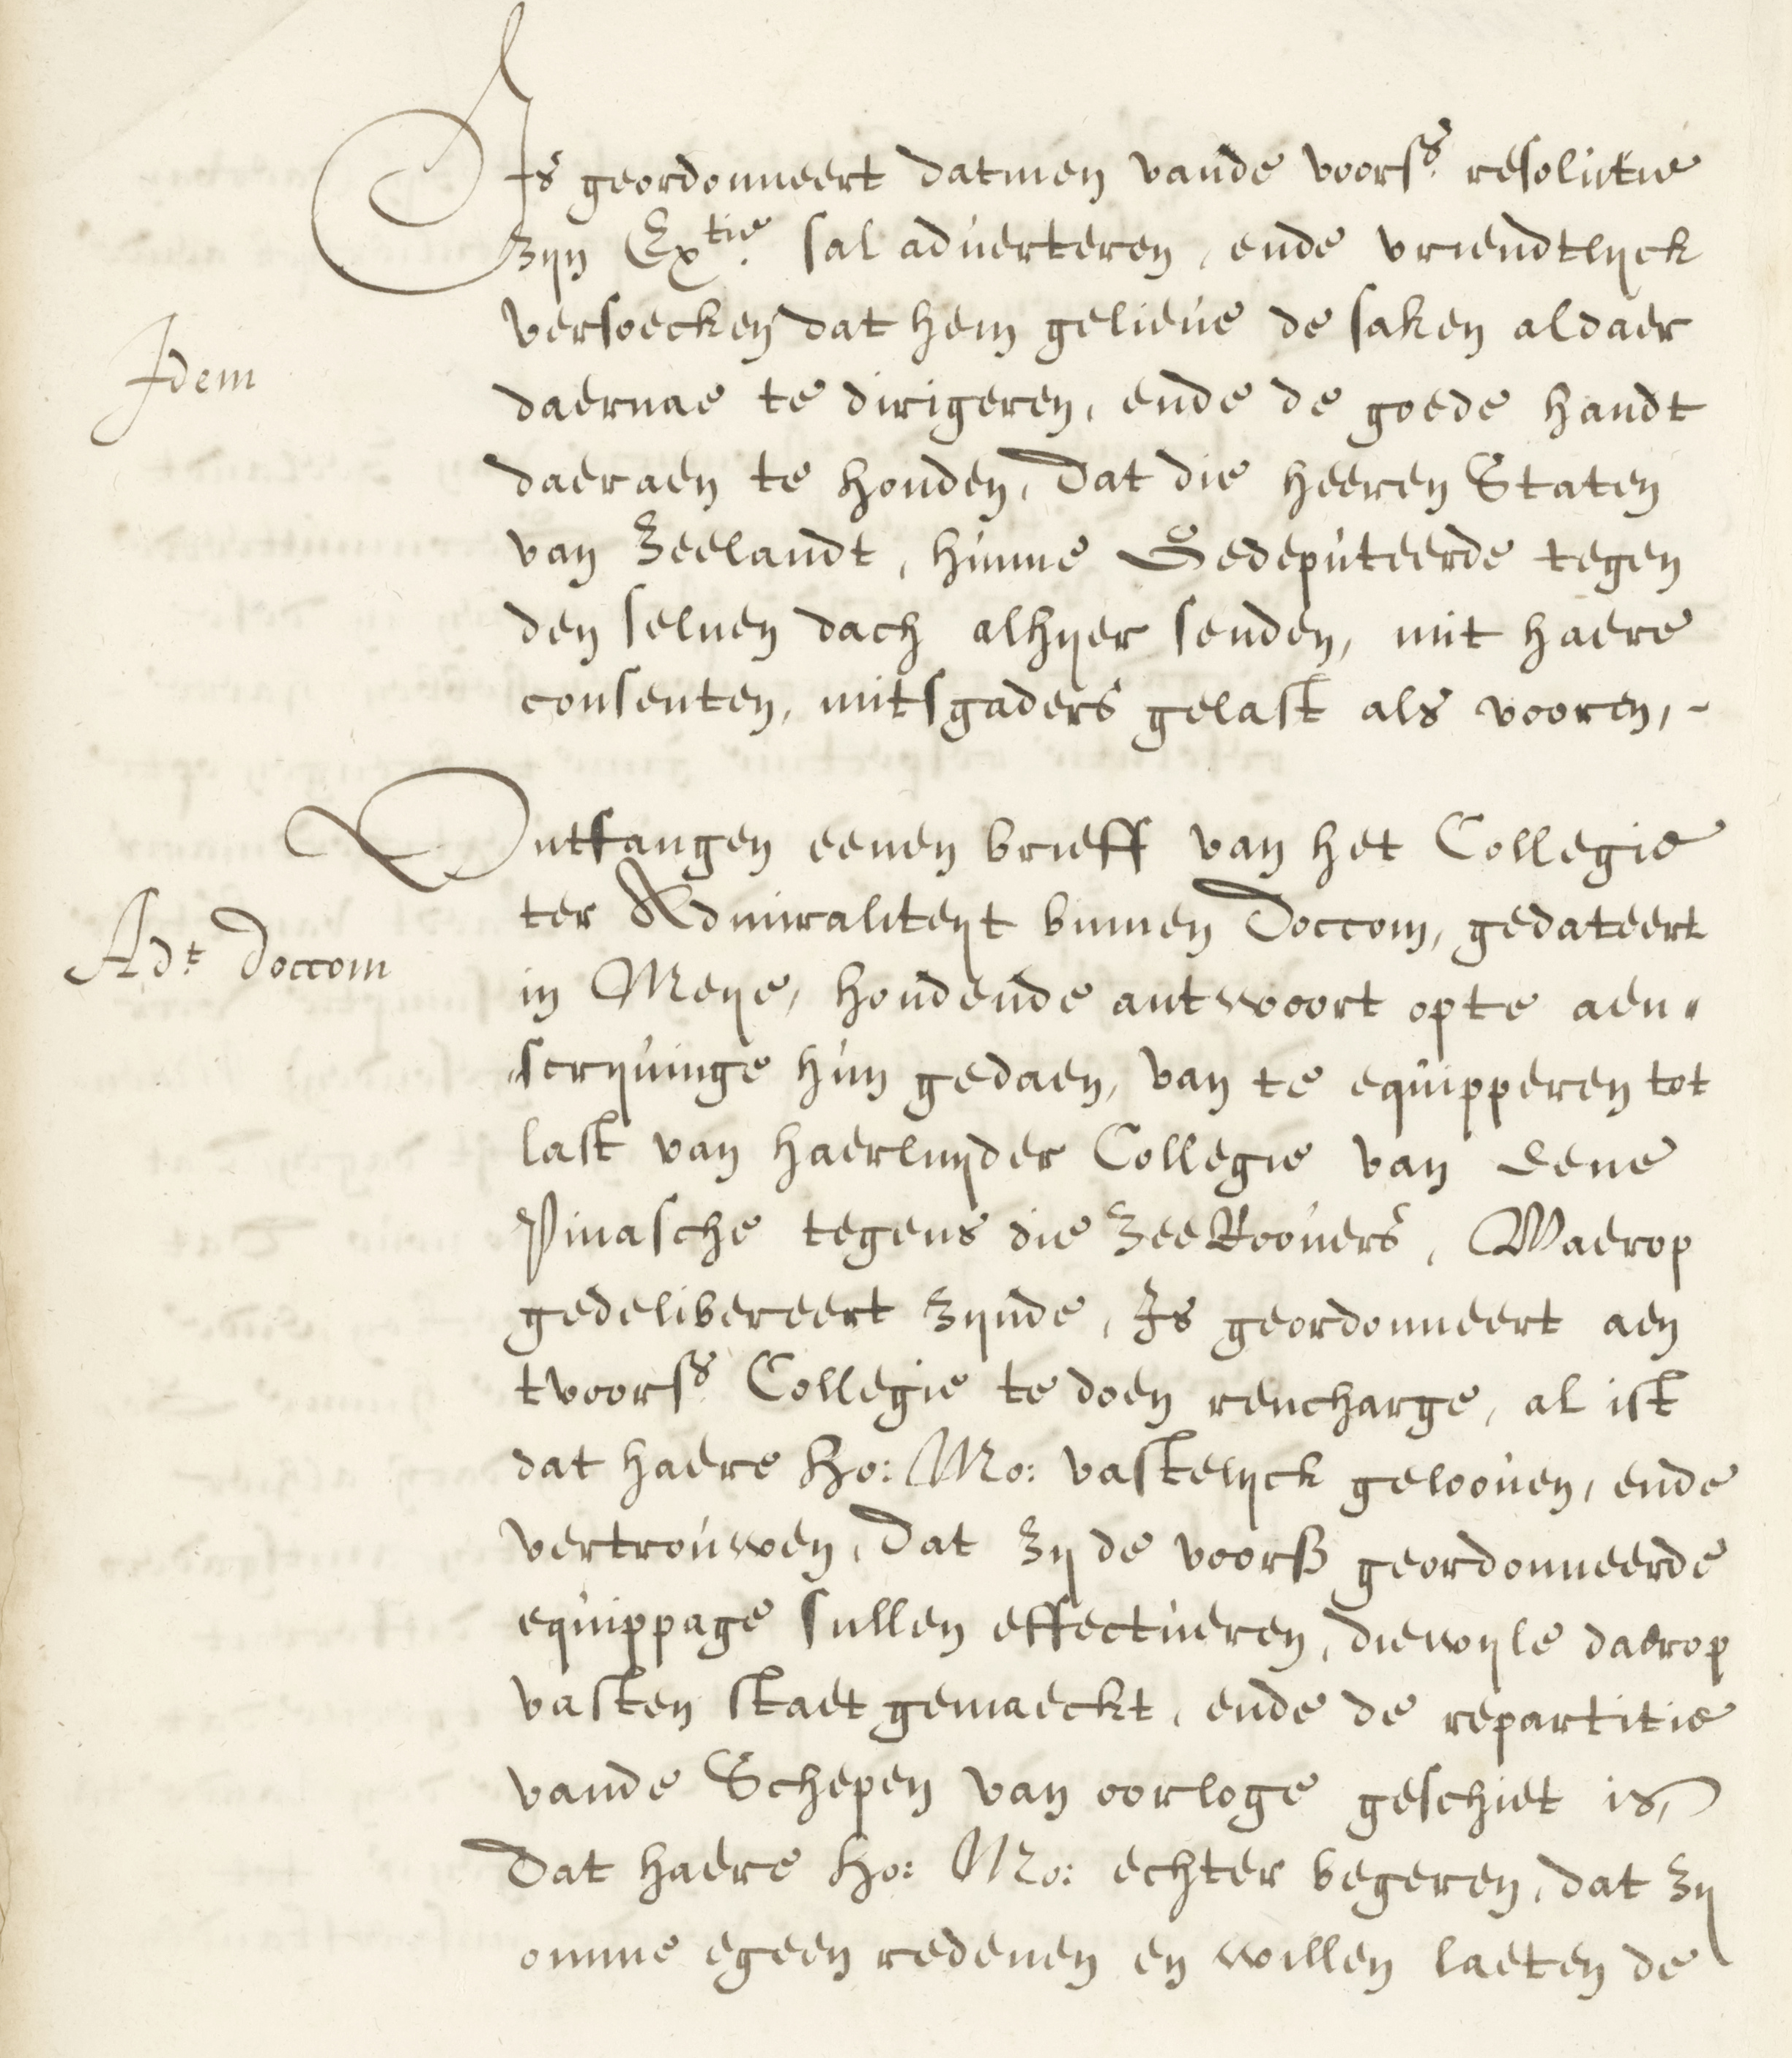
Idem
Is geordonneert datmen vande voors. resolutie
zijn Extie. sal aduerteren, ende vriendtlyck
versoecken dat hem gelieue de saken aldaer
daernae te dirigeren, ende de goede handt
daeraen te houden, dat die heeren Staten
van Zeelandt, hunne Gedeputeerde tegen
den seluen dach alhyer senden, mit haere
consenten, mitsgaders gelast als vooren. -
Adt. Doccom
Ontfangen eenen brieff van het Collegie
ter Admiraliteyt binnen Doccom, gedateert
in Meye, houdende antwoort opte aen„
„scryuinge hun gedaen, van te equipperen tot
last van haerluyder Collegie van Eene
Pinasche tegens die zeeRoouers, Waerop
gedelibereert zynde, Is geordonneert aen
tvoors. Collegie te doen rencharge, al ist
dat haere Ho:Mo: vastelyck geloouen, ende
vertrouwen, dat zy de voors geordonneerde
equippage sullen effectueren, diewyle daerop
vasten staet gemaeckt, ende de repartitie
vande Schepen van oorloge geschiet is,
dat haere Ho:Mo: echter begeren, dat zy
omme egeen redenen en willen laeten de
